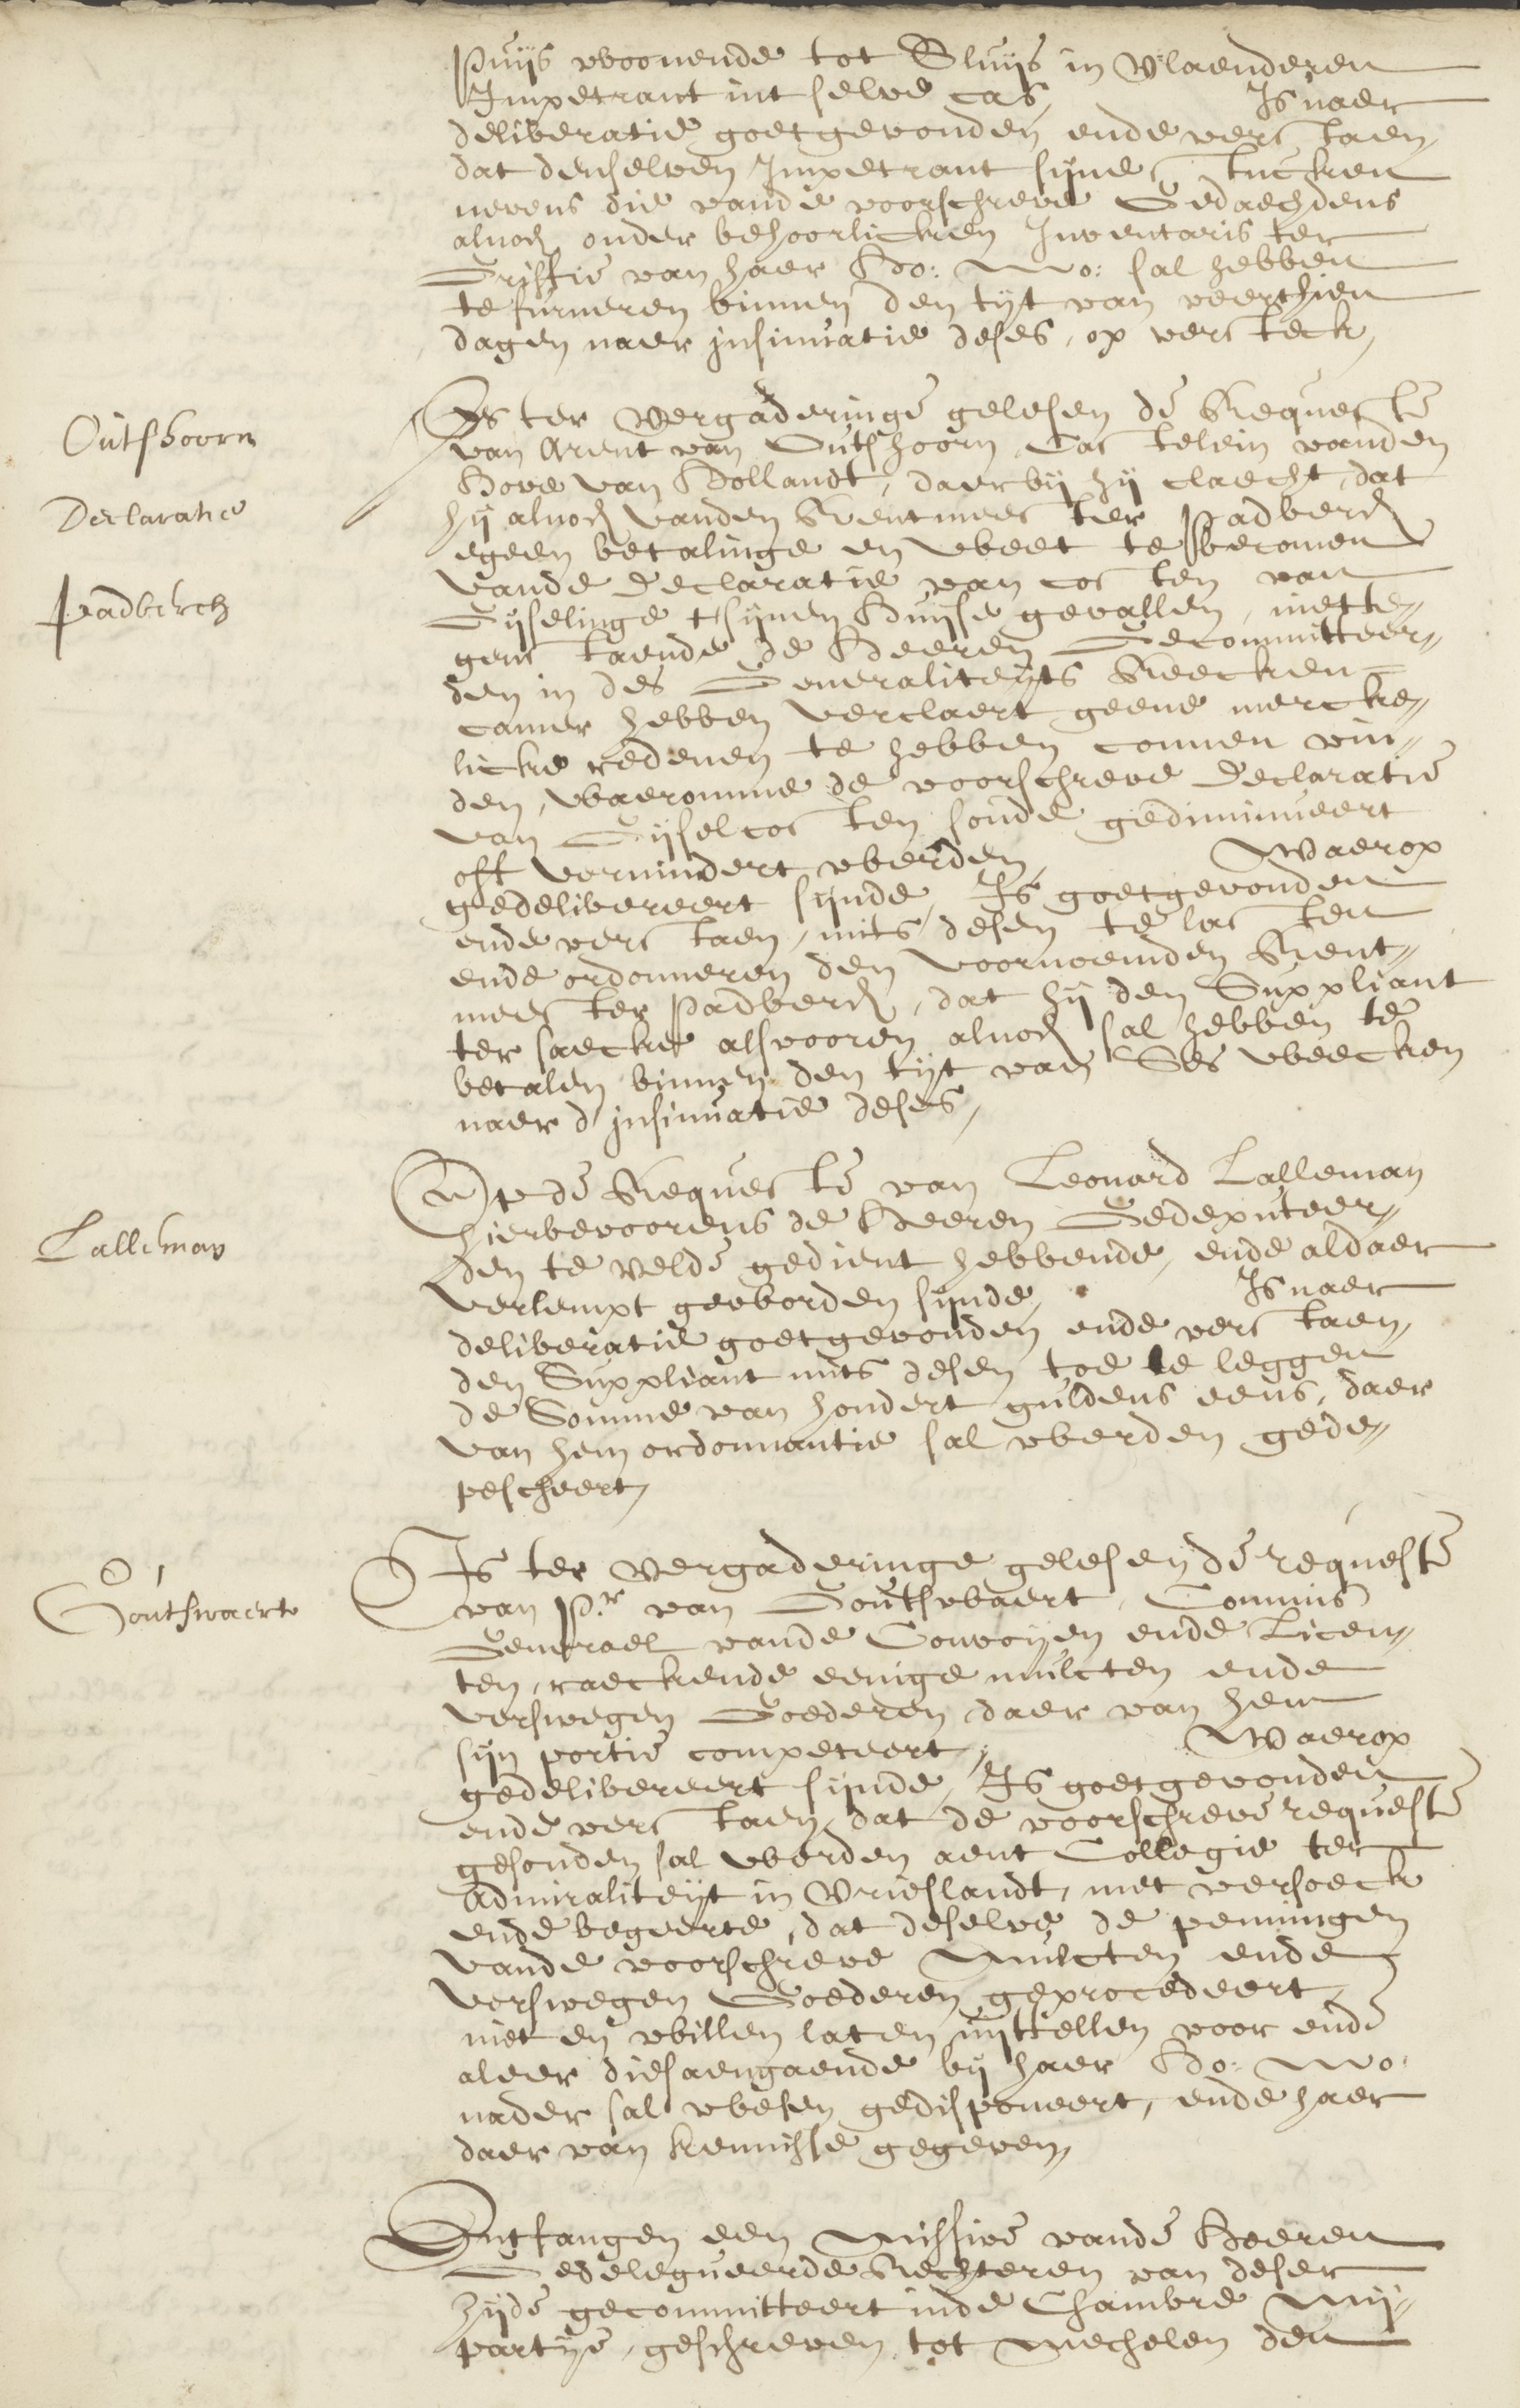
Puijs woonende tot Sluijs in Vlaenderen
Impetrant int selve cas, Is naer
deliberatie goetgevonden ende verstaen,
dat denselven Impetrant sijne stucken
nevens die vande voorschreve Gedaechdens
alnoch onder behoorlicken Inventaris ter
Griffie van haer Ho:Mo: sal hebben
te furneren binnen den tijt van veerthien
dagen naer insinuatie deses, op versteck.
Outshoorn
Declaratie
Padberch
Is ter Vergaderinge gelesen de Requeste
van Arent van Outshoorn, Castelein vanden
Hove van Hollandt, daerbij hij claecht, dat
hij alnoch vanden Rentmeester Padberch
egeen betalinge en weet te becomen
vande declaratie van costen van
Gijselinge t‛sijnen Huijse gevallen, niette„
genstaende de Heeren Gecommitteer„
den in des Generaliteijts Reecken=
camer hebben verclaert geene mercke„
licke redenen te hebben connen vin„
den, waeromme de voorschreve declaratie
van Gijselcosten soude gediminueert
off vermindert werden, Waerop
gedelibereert sijnde, Is goetgevonden
ende verstaen, mits desen te laten
ende ordonneren den voornoemden Rent„
meester Padberch, dat hij den Suppliant
ter saecke alsvooren alnoch sal hebben te
betalen binnen den tijt van Ses weecken
naer d‛insinuatie deses.
Lalleman
Opde Requeste van Leonard Lalleman
hierbevoorens de Heeren Gedeputeer„
den te Velde gedient hebbende, ende aldaer
verlempt geworden sijnde, Is naer
deliberatie goetgevonden ende verstaen,
den Suppliant mits desen toe te leggen
de Somme van hondert guldens eens, daer
van hem ordonnantie sal werden gede„
pescheert.
Goutswaert
Is ter Vergaderinge gelesen de requeste
van Pr. van Goutswaert, Commis
Generael vande Convoijen ende Licen„
ten, raeckende eenige mulcten ende
verswegen Goederen, daer van hem
sijn portie competeert; Waerop
gedelibereert sijnde, Is goetgevonden
ende veerstaen, dat de voorschreve requeste
gesonden sal werden aent Collegie ter
Admiraliteijt in Vrieslandt, met versoeck
ende begeerte, dat deselve de penningen
vande voorschreve Mulcten ende
verswegen Goederen geprocedeert,
niet en willen laten uijttellen voor ende
aleer diesaengaende bij haer Ho:Mo:
nader sal wesen gedisponeert, ende haer
daer van kennisse gegeven.
Ontfangen een Missive vande Heeren
Gedeputeerde Rechteren van desen
zijde gecommitteert inde Chambre Mij„
partije, geschreven tot Mechelen den
